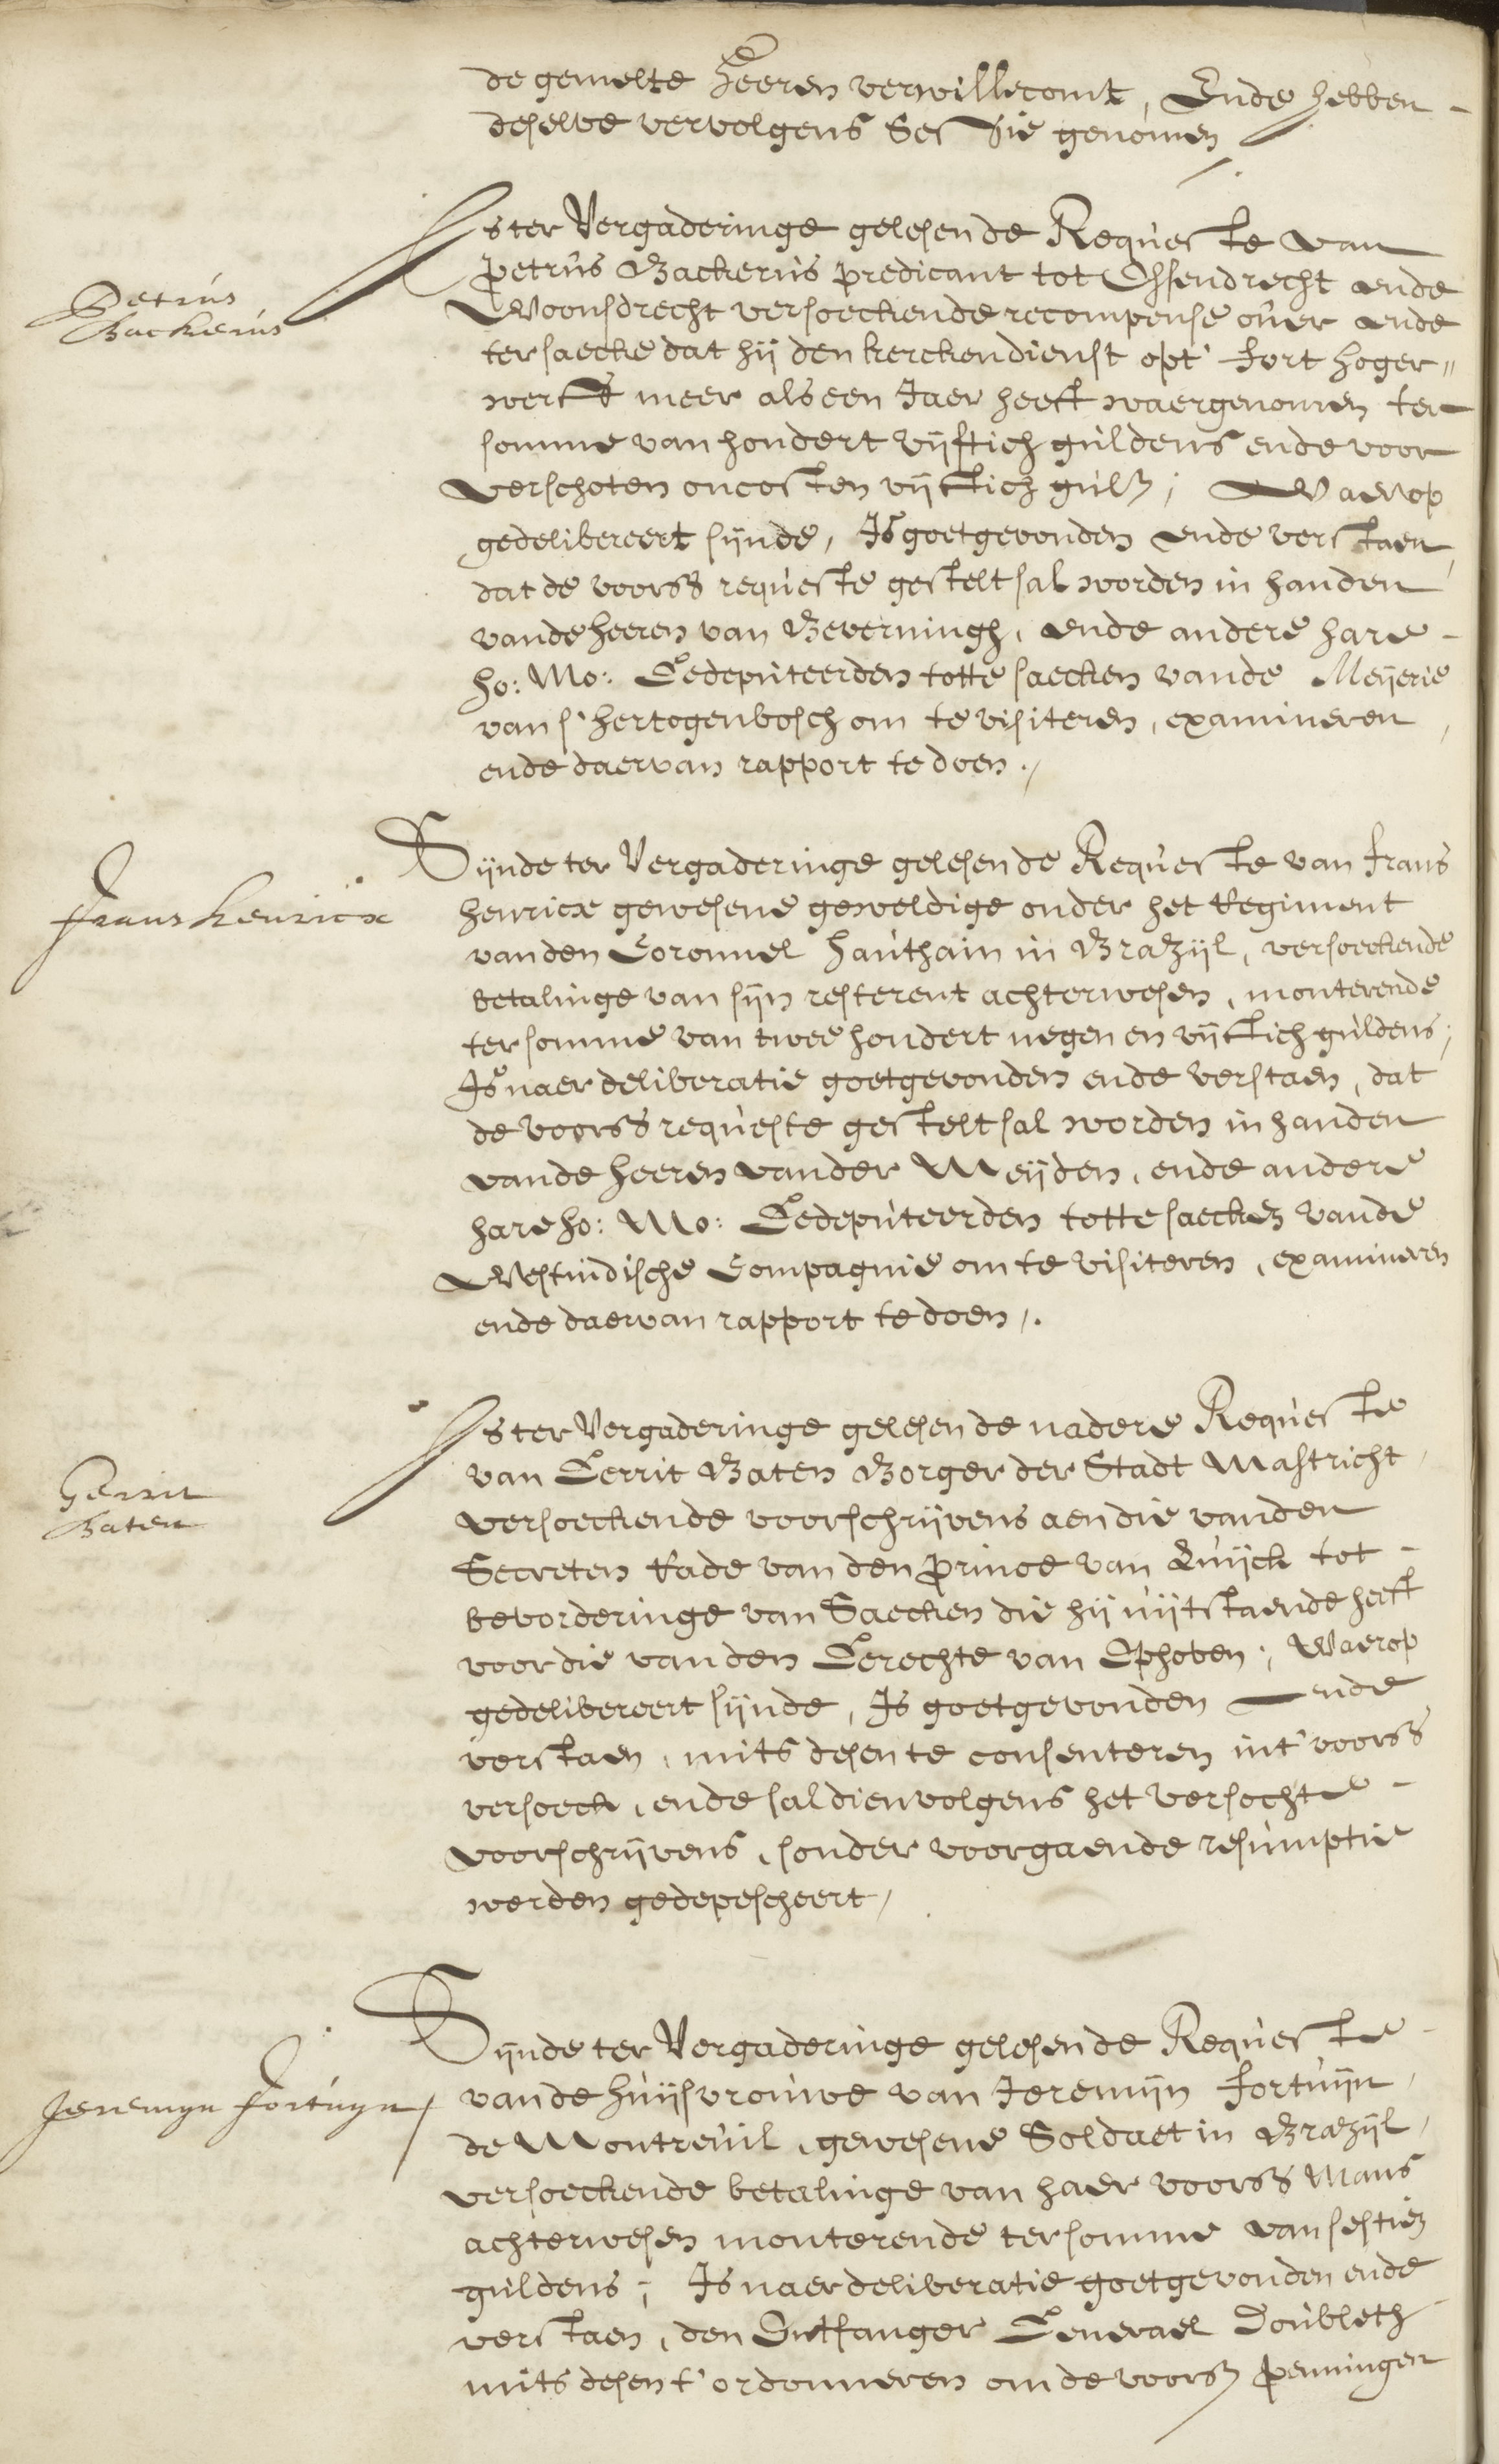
de gemelte heeren verwillecomt. Ende hebben ¬
deselve vervolgens sessie genomen.
Petrus
Backerus
Is ter Vergaderinge gelesen de Requeste van
Petrus Backerus predicant tot Ossendrecht ende
Woonsdrecht versoeckende recompense ouer ende
ter saecke dat hij den kerckendienst opt' fort hoger„
werff meer als een Jaer heeft waergenomen ter
somme van hondert vijftich guldens ende voor
verschoten oncosten vijftich gul.; Waerop
gedelibereert sijnde, Is goetgevonden ende verstaen,
dat de voors requeste gestelt sal worden in handen
vande heeren van Beverningh, ende andere hare
ho:Mo: Gedeputeerden totte saecken vande Meijerie
van s'hertogenbosch om te visiteren, examineren,
ende daervan rapport te doen.
Frans Henricx
Sijnde ter Vergaderinge gelesen de Requeste van Frans
Henricx gewesene geweldige onder het Regiment
van den Coronnel Hauthain in Brazijl, versoeckende
betalinge van sijn resterent achterwesen, monterende
ter somme van twee hondert negen en vijftich guldens;
Is naer deliberatie goetgevonden ende verstaen, dat
de voors requeste gestelt sal worden in handen
vande heeren vander Meijden, ende andere
hare ho:Mo: Gedeputeerden totte saecken vande
Westindische Compagnie om te visiteren, examineren
ende daervan rapport te doen.
Gerrit
Baten
Is ter Vergaderinge gelesen de nadere Requeste
van Gerrit Baten Borger der Stadt Mastricht
versoeckende voorschrijvens aen die vanden
Secreten Rade van den prince van Luijck tot ¬
bevorderinge van Saecken die hij uijtstaende heeft
voor die van den Gerechte van Ophoven; Waerop
gedelibereert sijnde, Is goetgevonden ende
verstaen, mits desen te consenteren int' voors
versoeck, ende sal dienvolgens het versochte ¬
voorschrijvens, sonder voorgaende resumptie
werden gedepescheert.
Jeremyn Fortuyn
Sijnde ter Vergaderinge gelesen de Requeste
van de huijsvrouwe van Jeremijn Fortuijn,
de Montreuil, gewesene Soldaet in Brazijl,
versoeckende betalinge van haer voors Mans
achterwesen monterende ter somme van sestien
guldens; Is naer deliberatie goetgevonden ende
verstaen, den Ontfanger Generael Doubleth
mits desen t'ordonneren om de voors penningen
